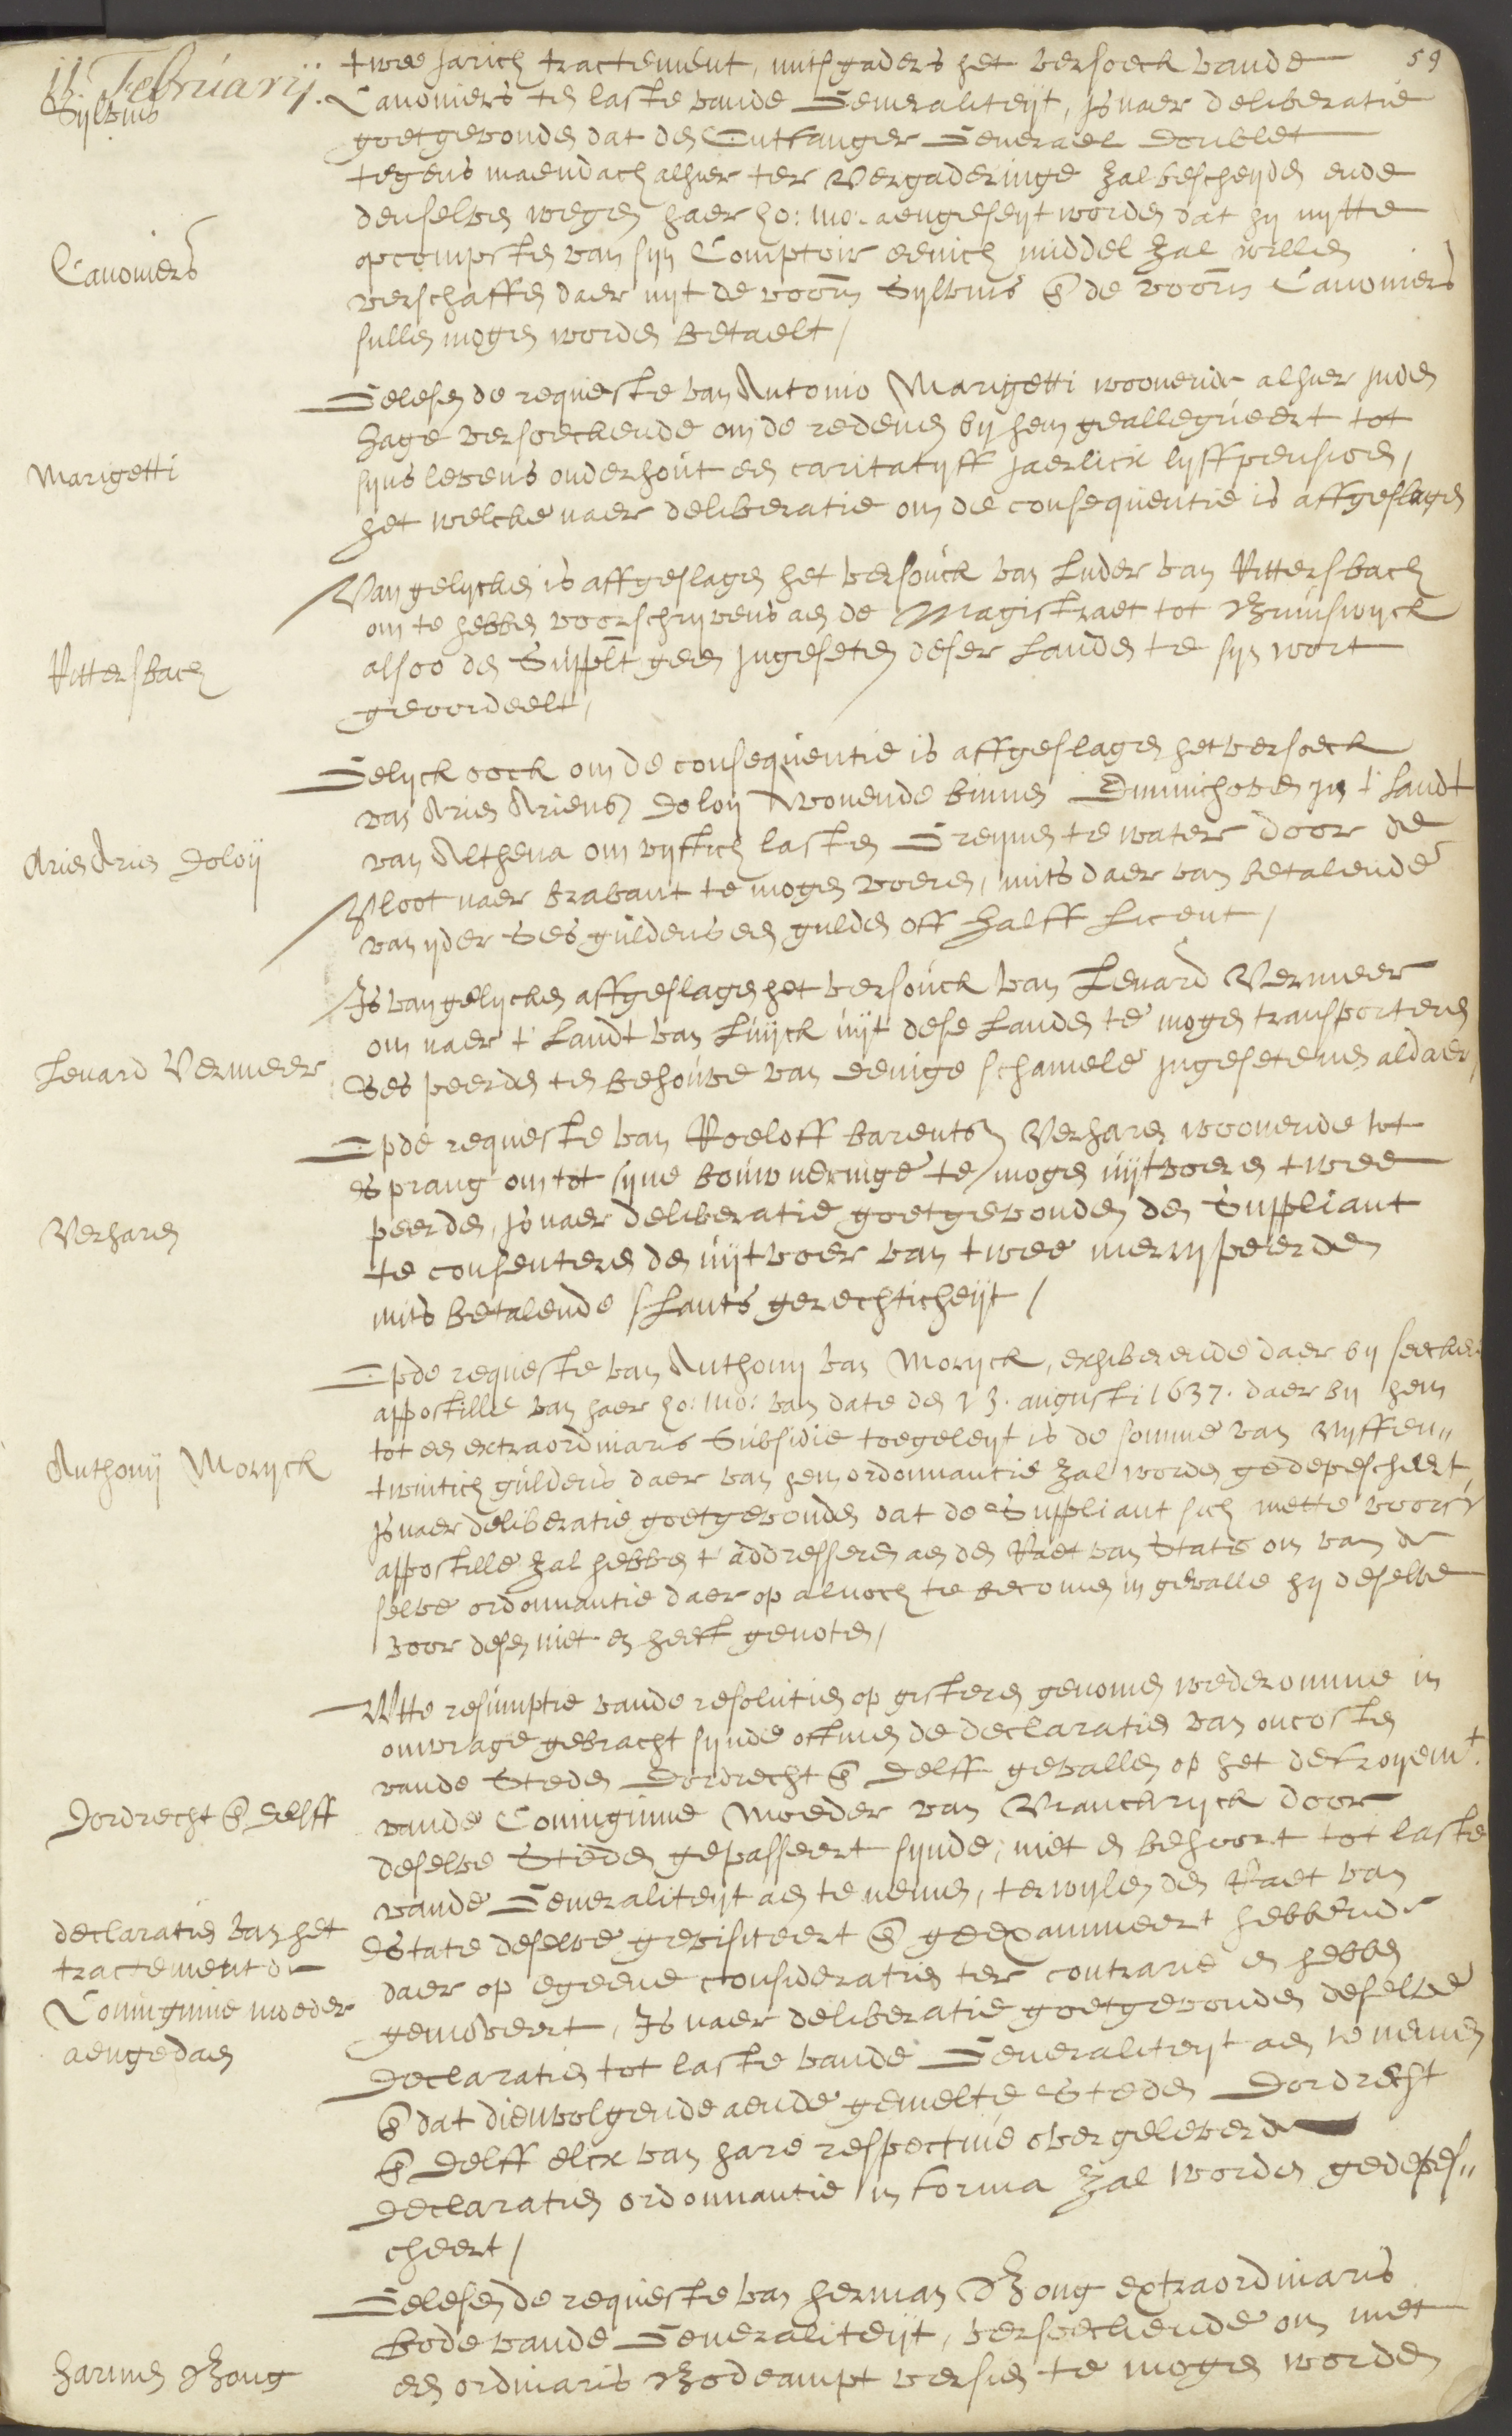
59
11. Februarij.
Sylvius
Canoniers
twee jarich tractement, mitsgaders het versoeck vande
Canoniers ten laste vande Generaliteijt, is naer deliberatie
goetgevonden dat den Ontfanger Generael Doublet
tegens maendach alhier ter Vergaderinge zal bescheyden ende
denselven wegen haer ho:mo: aengeseyt worden dat hy uytte
opcompsten van syn Comptoir eenich middel zal willen
verschaffen daer uyt de voorn Sylvius & de voorn Canoniers
sullen mogen worden betaelt.
Marigetti
Gelesen de requeste van Antonio Marigetti woonende alhier inden
hage versoeckende om de redenen by hem geallegueert tot
syns levens onderhout een caritatyff jaerlicx lyffpensioen,
het welcke naer deliberatie om de consequentie is affgeslagen.
Rittersbach
Van gelycken is affgeslagen het versouck van Luder van Rittersbach
om te hebben voorschryvens aen de Magistraet tot Brunswyck
alsoo den Supplt geen ingeseten deser Landen te syn wort
geoordeelt.
Arien Arien Doloij
Gelyck oock om de consequentie is affgeslagen het versoeck
van Arien Ariens Doloy wonende binnen Emmichoven in t‛ Landt
van Althena om vyftich lasten Greynen te water door de
Vloot naer brabant te mogen voeren, mits daer van betalende
van yder ses guldens een gulden off halff Licent.
Lenard Vermeer
Is van gelycken affgeslagen het versouck van Lenard Vermeer
om naer t‛ Landt van Luijck uijt dese Landen te mogen transporteren
ses peerde ten behouve van eenige schamele ingesetenen aldaer.
Verharen
Opde requeste van Roeloff Barents Verharen woonende tot
Spang om tot syne bouwneringe te mogen uijtvoeren twee
peerden, is naer deliberatie goegevonden den Suppliant
te consenteren den uijtvoer van twee merrypeerden
mits betalende sLants gerechticheijt.
Anthonij Moryck
Opde requeste van Anthony van Moryck, exhiberende daer by seecker
appostille van haer ho:Mo: van date den 13. augustus 1637. daer by hem
tot een extraordinaris Subsidie toegeleyt is de somme van vyffen„
twintich guldens daer van hem ordonnantie zal worden gedepescheert,
is naer deliberatie goetgevonden dat de Suppliant sich mette voors
appostille zal hebben t‛addresseren aen den Raet van State om van de
selve ordonnantie daer op alnoch te becomen in gevalle hy deselve
voor desen niet en heeft genoten.
Dordrecht & Delff
declaratien van het
tractement de
Coninginne moeder
aengedaen
Wtte resumptie vande resolutien op gisteren genomen wederomme in
omvrage gebracht synde off men de declaratien van oncosten
vande Steden Dordrecht & Delff gevallen op het defroyemt.
vande Coninginne Moeder van Vranckryck door
deselve Steden gepasseert synde, niet en behoort tot laste
vande Generaliteyt aen te nemen, terwylen den Raet van
State deselve gevisiteert & geexamineert hebbende
daer op egeene consideratien ter contrarie en hebben
gemoveert, Is naer deliberatie goetgevonden deselve
declaratien tot laste vande Generaliteyt aen te nemen
& dat dienvolgende aende gemelte Steden Dordrecht
& Delff elcx van hare respectiue overgelevende
declaratien ordonnantie in forma zal worden gedepes„
cheert.
harmen Bong
Gelesen de requeste van herman Bong extraordinaris
bode vande Generaliteijt, versoeckende om met
een ordinaris Bodeampt versien te mogen worden
